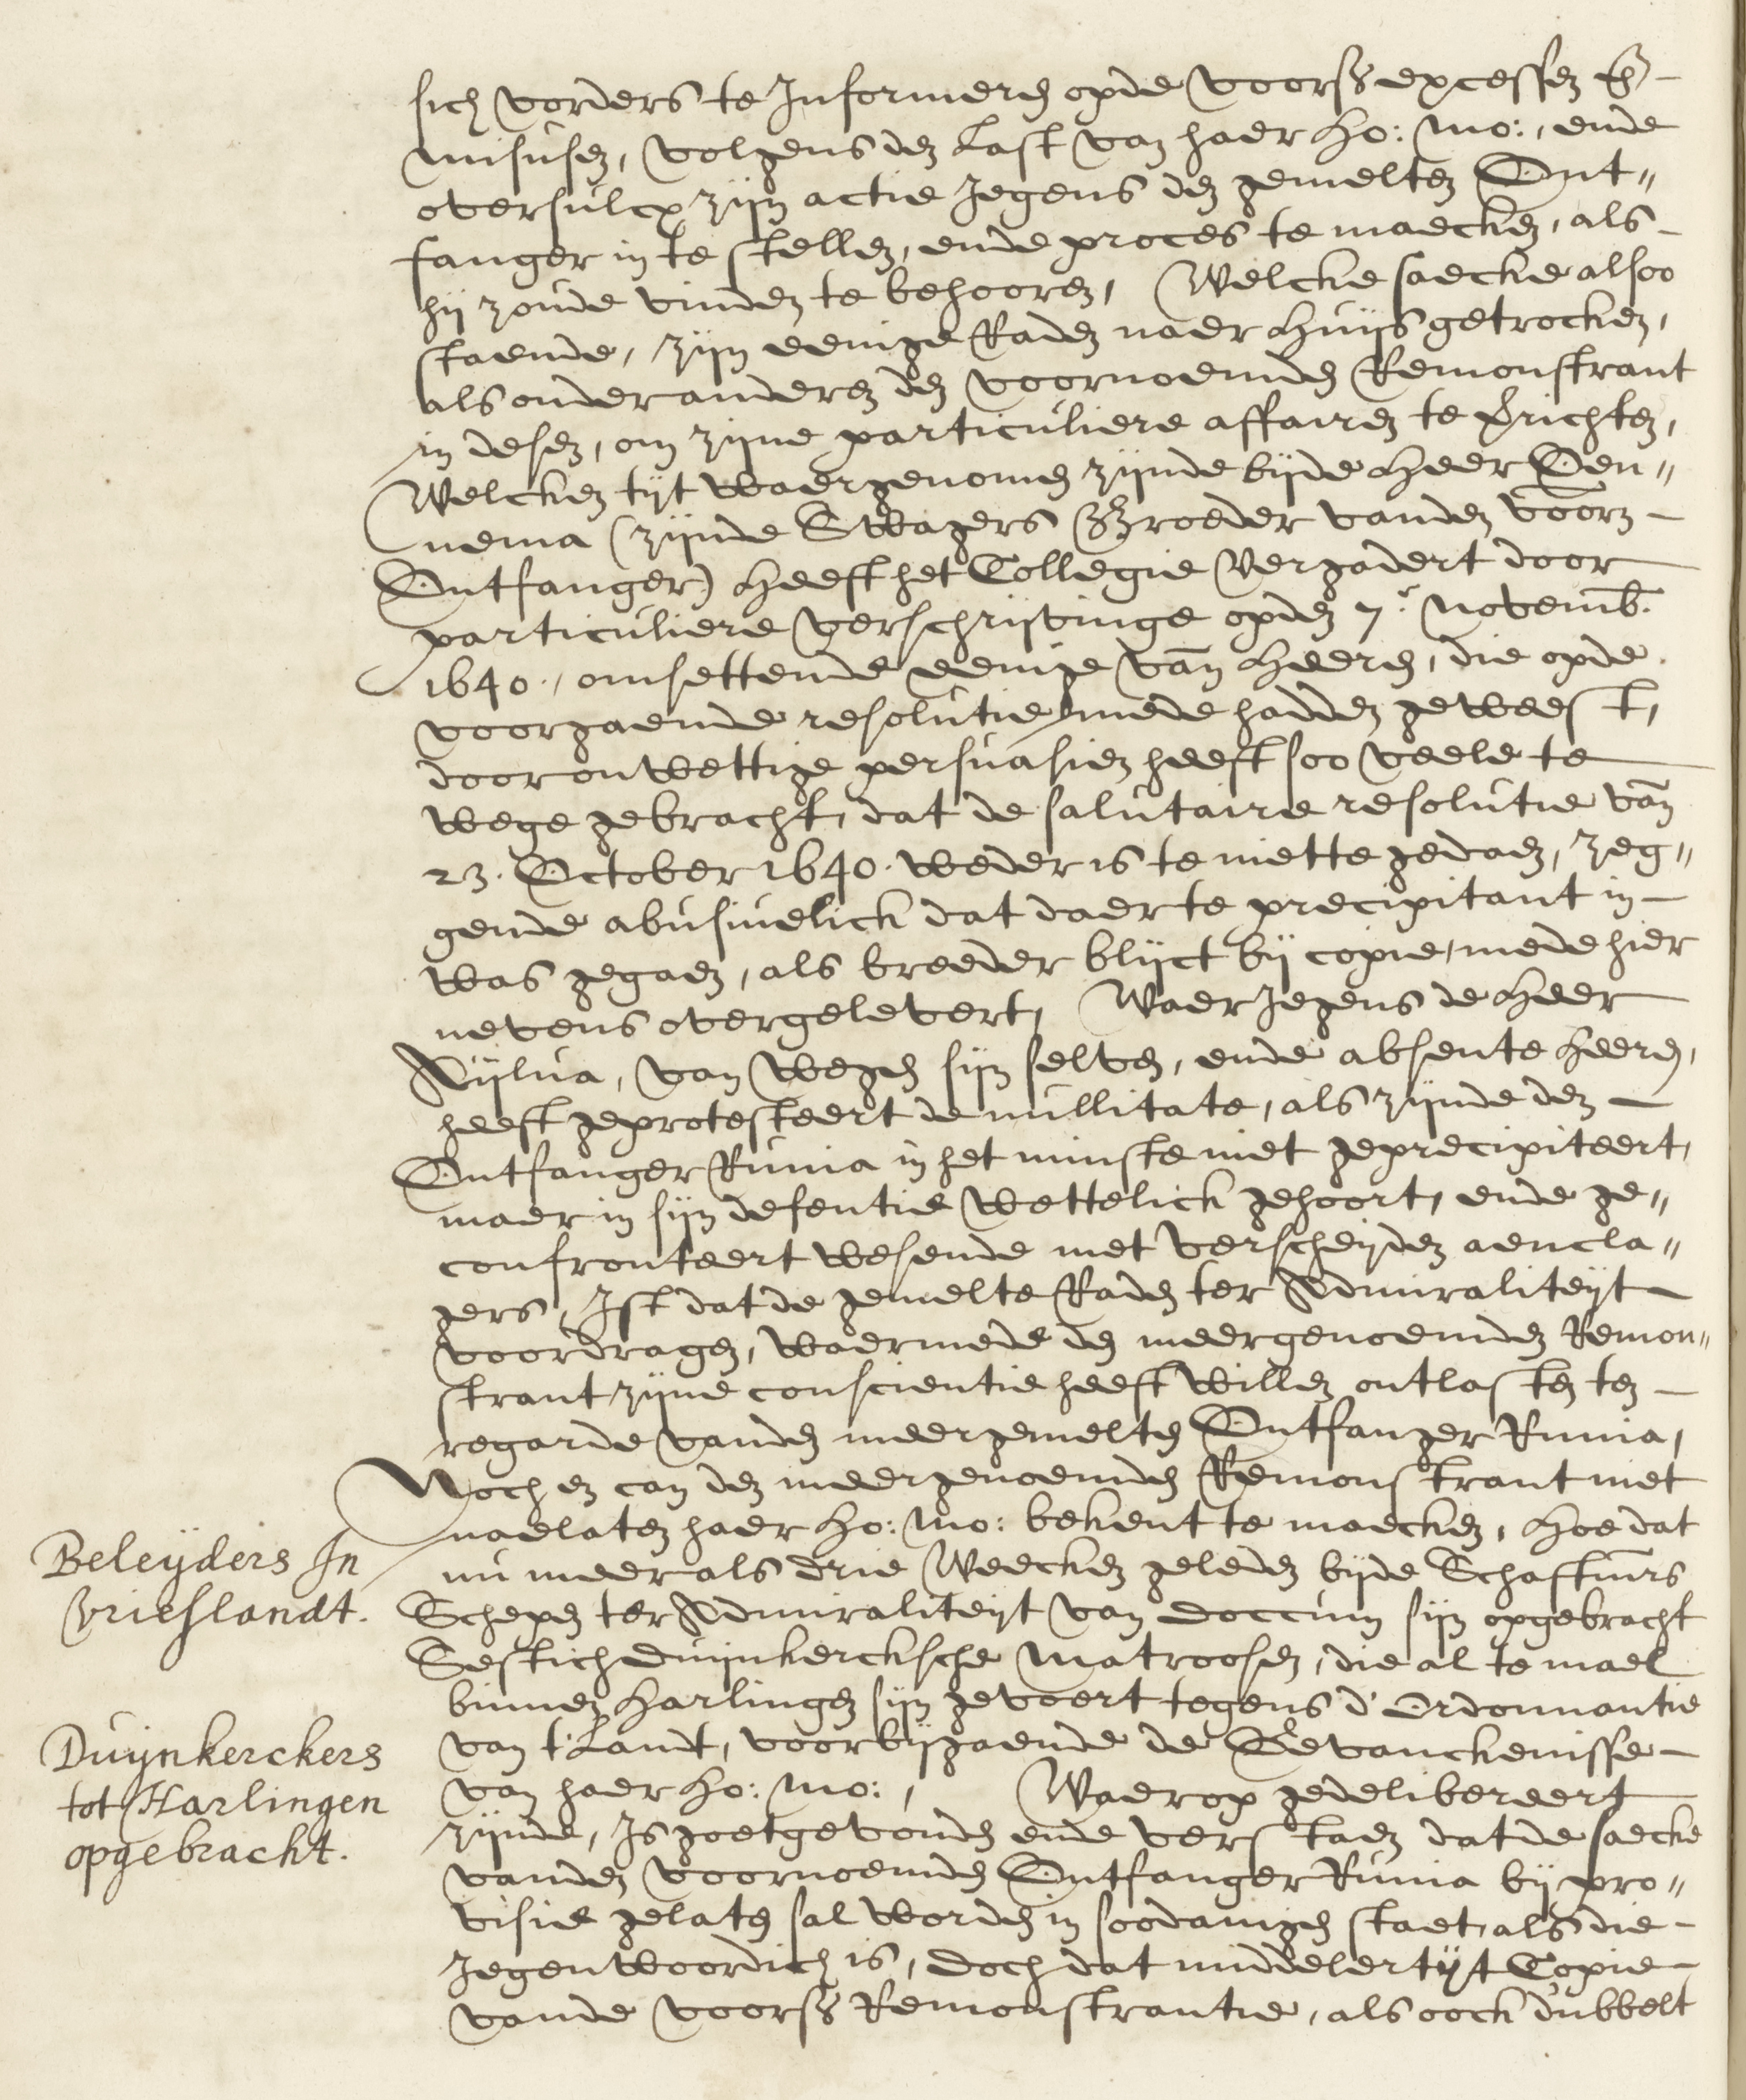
Beleijders in
Vrieslandt.
Duijnkerckers
tot Harlingen
opgebracht.
sich vorders te Informeren opde voorsz. excessen & =
misusen, volgens den Last van haer Ho:Mo: ende
oversulcx zijn actie Jegens den gemelten Ont„
fanger in te stellen, ende proces te maecken, als -
hij zoude vinden te behooren. Welcke saecke alsoo
staende, zijn eenige Raden naer huijs getrocken
als onder anderen den voornoemden Remonstrant
in desen, om zijne particuliere affairen te vrichten,
Welcken tijt waergenomen zijnde bijde heer Oen„
nema (zijnde Swagers Broeder vanden voorn -
Ontfanger) heeft het Collegie vergadert door
particuliere verschrijvinge opden 7e novemb
1640:, omsettende eenige van heeren, die opde
voorgaende resolutie mede hadden geweest,
door onwettige persuasien heeft soo veele te
wege gebracht, dat de salutaire resolutie van
23. October 1640 weder is te niette gedaen, zeg„
gende abusivelick dat daer te precipitant in —
was gegaen, als breeder blijct bij copie, mede hier
nevens overgelevert. Waer Jegens de heer
Aijlua, van wegen sijn selven, ende absente heeren
heeft geprotesteert te nullitate, als zijnde den —
Ontfanger Runia in het minste niet geprecipiteert,
maer in sijn defentie wettelick gehoort, ende ge„
confronteert wesende met verscheijden aencla„
gers, Ist dat de gemelte Raden ter Admiraliteijt ¬
voordragen, waermede den meergenoemden Remon„
strant zijne conscientie heeft willen ontlasten ten —
regarde vanden meergemelten Ontfanger Runia,
Noch en can den meergenoemden Remonstrant niet
naelaten haer Ho:Mo: bekent te maecken, hoe dat
nu meer als drie Weecken geleden bijde Schaftmrs
Schepen ter Admiraliteijt van doccum sijn opgebracht
Sestich duijnkercksche matroosen, die al te mael
binnen Harlingen sijn gevoert tegens d'Ordonnantie
van t'Lant, voorbijgaende de Gevanckenisse —
van haer Ho:Mo:.Waerop gedelibereert
zijnde, Is goetgevonden ende verstaen dat de saecke
vanden voornoemden Ontfanger Runia bij pro„
visie gelaten sal worden in soodanigen staet als die -
Jegenwoordich is, doch dat middelertijt Copie ¬
vande voorsz Remonstrantie, als oock dubbelt
